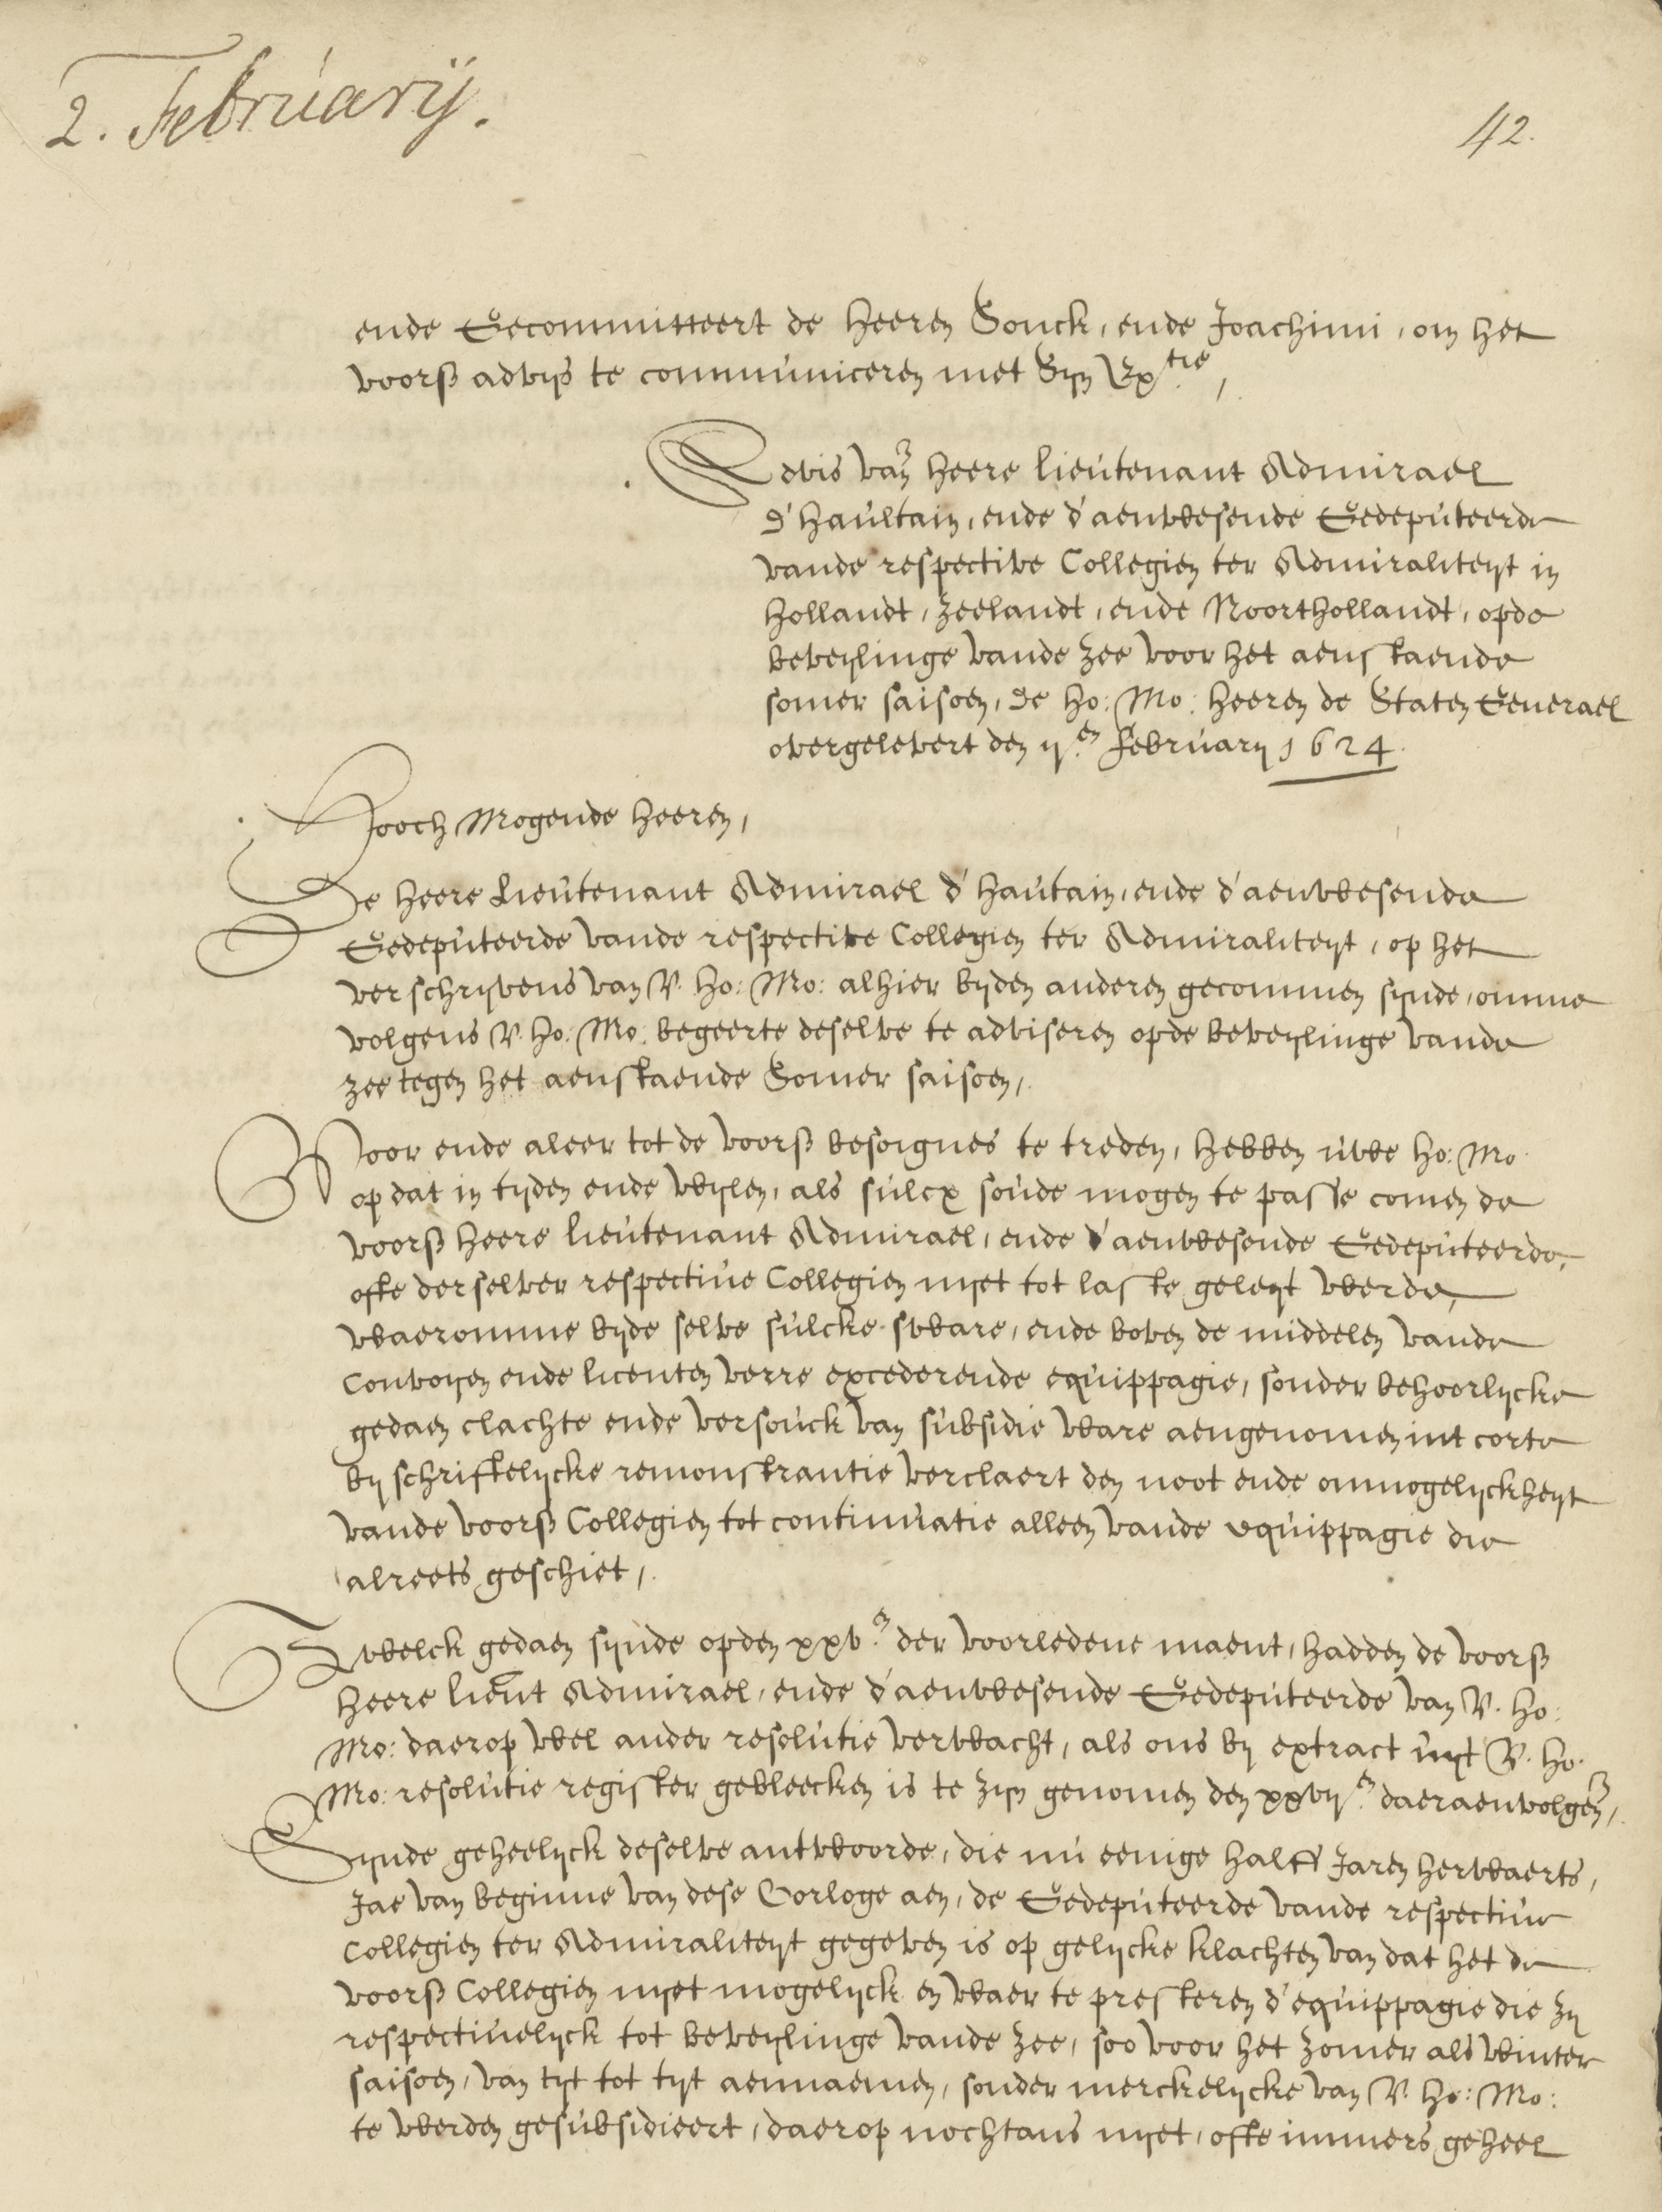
42
2. Februarij.
ende gecommitteert de heeren Sonck ende Joachimi, om het
voors advys te communiceren met Syn Extie.
Advis van heere lieutenant Admirael
d'Haultain, ende d'aenwesende Gedeputeerde
vande respective Collegien ter Admiraliteyt in
Hollandt, Zeelandt, ende Noorthollandt, opde
beveylinge vande zee voor het aenstaende
somer saisoen, de Ho:Mo: heeren de Staten Generael
overgelevert den ijen february 1624.
Hooch Mogende heeren,
De heere Lieutenant Admirael d'Haultain ende d'aenwesende
Gedeputeerde vande respective Collegien ter Admiraliteyt, op het
verschrijvens van U. Ho:Mo: alhier byden anderen gecommen synde, omme
volgens U. Ho:Mo: begeerte deselve te adviseren opde beveylinge vande
zee tegen het aenstaende somer saison.
Voor ende aleer tot de voors besoignes te treden, hebben uwe Ho:Mo:
opdat in tyden ende wylen, als sulcx soude mogen te passe comen de
voors heere lieutenant Admirael, ende d'aenwesende Gedeputeerde,
ofte derselver respectiue Collegien nyet tot laste geleyt werde,
waeromme byde selve sulcke sware, ende boven de middelen vande
convoyen ende licenten verre excederende equippagie, sonder behoorlycke
gedaen clachte ende versouck van subsidie ware aengenomen int corte
by schriftelycke remonstrantie verclaert den noot ende onmogelyckheyt
vande voors Collegien tot continuatie alleen vande equippagie die
alreets geschiet.
Twelck gedaen synde opden xxven der voorledene maent, hadden de voors
heere lieut Admirael, ende d'aenwesende Gedeputeerde van U. Ho:
Mo: daerop wel ander resolutie verwacht, als ons by extract uyt U. Ho:
Mo: resolutie register gebleecken is te zyn genomen den xxvijen daeraenvolgen.
Synde geheeyjck deselve antwoorde, die nu eenige halff jaren herwaerts
jae van beginne van dese Oorloge aen, de Gedeputeerde vande respectiue
Collegien ter Admiraliteyt gegeven is op gelycke klachten van dat het de
voors Collegien nyet mogelyck en waer te presteren d'equippagie die zy
respectivelyck tot beveylinge vande zee, soo voor het zomer als winter
saison, van tyt tot tyt aennaemen, sonder merckelycke van U. Ho:Mo:
te worden gesubsidieert, daerop nochtans nyet, ofte immers geheel
